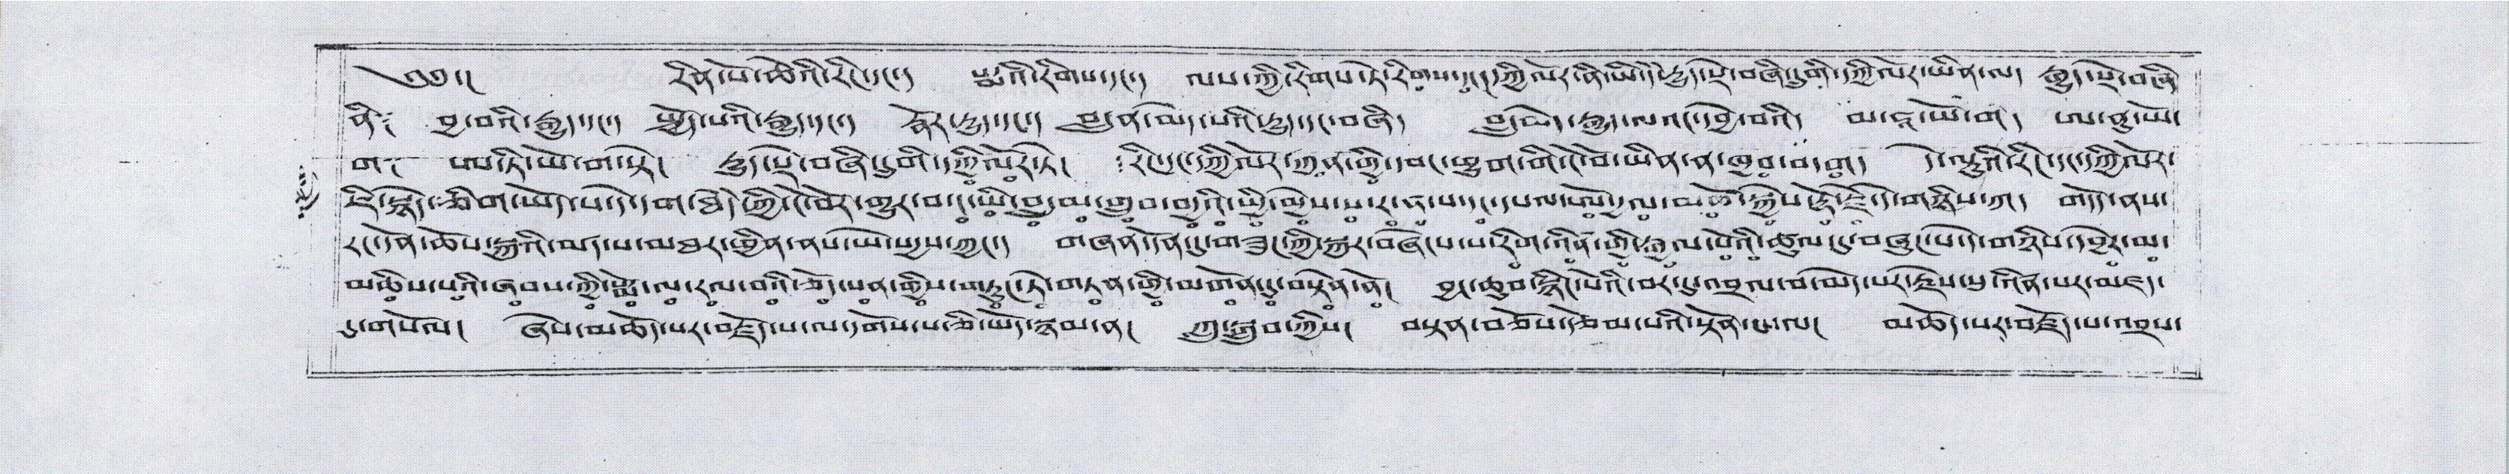རིན་པོ་ཆེའི་རིགས་དང་། པདྨའི་རིགས་དང་། ལས་ཀྱི་རིགས་ཏེ། རིགས་དང་དཀྱིལ་འཁོར་ནི་ཡི་དམ་རྒྱུད་སྡེ་བཞི་དྲུག་གི་དཀྱིལ་འཁོར་ཡིན་ལ། རྒྱུད་སྡེ་བཞི་
ནི། བྱ་བའི་རྒྱུད་དང་། སྤྱོད་པའི་རྒྱུད་དང་། རྡོར་རྒྱུད་དང་། བླ་ན་མེད་པའི་རྒྱུད་དང་བཞི། བླ་མེད་རྒྱུད་ལའང་དབྱེ་བའི། མ་ཧ་ཡོ་ག ཨ་ནུ་ཡོ་
ག ཨ་ཏི་ཡོ་ག་སྟེ། རྒྱུད་སྡེ་བཞི་དྲུག་གི་དཀྱིལ་འཁོར་ཏེ། རིགས་དང་དཀྱིལ་འཁོར་ཀུན་གྱི་དབང་ཕྱུག་གི་ངོ་བོ་ཡིན་པས་ན་ཁྱབ་བདག དེ་ལྟ་བུའི་རིགས་དང་དཀྱིལ་འཁོར་
ཇི་སྙེད་ཅིག་ཡོད་པ་དེ་དག་ཐམས་ཅད་ཀྱི་ངོ་བོར་གྱུར་པ་ང་ཡི་བླ་མ་གྲུབ་བརྒྱའི་སྤྱི་མེས་ས་ར་ཧ་པ་དང་དཔལ་ཨོ་རྒྱན་མཚོ་སྐྱེས་རྡོ་རྗེ་དེ་གཉིས་ཀ། གདོད་ནས་
རང་དོན་ཆོས་སྐུའི་མཛད་པ་མཐར་ཕྱིན་ནས་ཡེ་སངས་རྒྱས་ཀྱང་། གཞན་དོན་དུ་གཟུགས་ཀྱི་སྐུར་བཞེངས་པ་རིག་འཛིན་གྱི་རྒྱལ་པོའི་ཚུལ་དུ་བཞུགས་པ་དེ་གཉིས་དབྱེར་མ་
མཆིས་པའི་ཞབས་ཀྱི་པདྨོ་ལ་རལ་པའི་ཅོད་པཎ་གྱིས་གཏུགས་ཏེ་གཏན་གྱི་མགོན་དུ་བསྟེན་ནོ། བྱང་ཆུབ་སྙིང་པོའི་བར་དུ་འབྲལ་བ་མེད་པར་རྗེས་སུ་འཛིན་པར་མཛད་
དུ་གསོལ་ལོ། ཞེས་མཆོད་པར་བརྗོད་པ་ལ་དགོས་པ་ཅི་ཡོད་སྙམ་ན། ཀླུ་སྒྲུབ་ཀྱིས། བསྟན་བཅོས་རྩོམ་པའི་སྟོན་པ་ལ། མཆོད་པར་བརྗོད་པ་འབྲས་